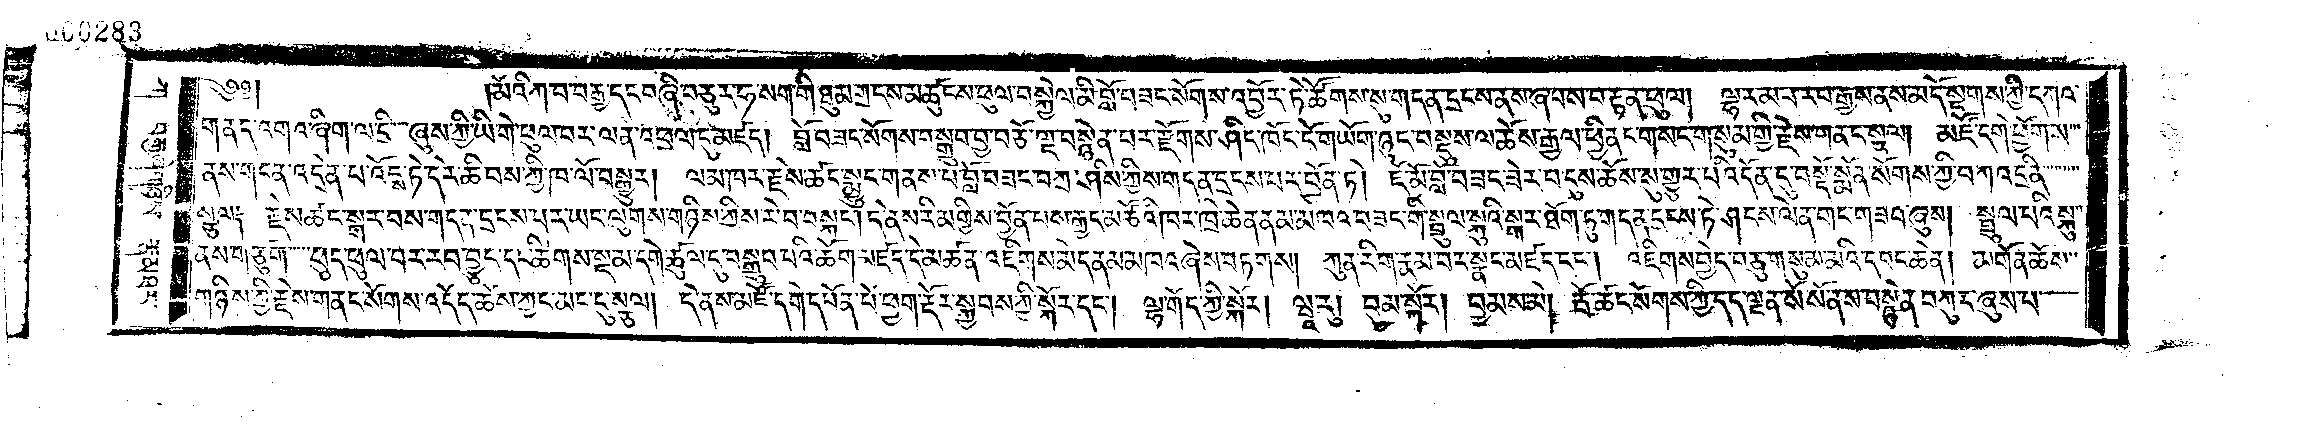༄༅། །མོའི་ཀ་བ་བརྒྱ་དང་བཞི་བཅུར་ཧ་སག་གི་ཐུམ་གྲངས་མཚུངས་ཕུལ་བ་སྐྱེལ་མི་བློ་བཟང་སོགས་འབྱོར་ཏེ་ཚོགས་སུ་གདན་དྲངས་ནས་ཞབས་བརྟན་ཕུལ། ལྷ་རམ་པ་རབ་རྒྱས་ནས་མདོ་སྔགས་ཀྱི་དཀའ་
གནད་འགའ་ཞིག་ལ་དྲི་ཞུས་ཀྱི་ཡི་གི་ཕུལ་བར་ལན་འཕྲལ་དུ་མཛད། བློ་བཟང་སོགས་བསྒྲུབ་བྱ་བཅོ་ལྔ་བསྙེན་པར་རྫོགས་ཤིང་ཁོང་ངོ་གཡོག་ཉུང་བསྡུས་ལ་ཆོས་རྒྱལ་ཕྱི་ནང་གསང་གསུམ་གྱི་རྗེས་གནང་སྩལ། མཛོ་དགེ་ཕྱོགས་
ནས་གདན་འདྲེན་པ་འོངས་ཏེ་དེར་ཆིབས་ཀྱི་ཁ་ལོ་བསྒྱུར། ལམ་ཁར་རྗེས་ཚང་སྨྱུང་གནས་པ་བློ་བཟང་བཀྲ་ཤིས་ཀྱིས་གདན་དྲངས་པར་བྱོན་ཏེ། ཇོ་མོ་བློ་བཟང་ཟེར་བ་དུས་ཆོས་སུ་གྱུར་པའི་དོན་དུ་བསྔོ་སྨོན་སོགས་ཀྱི་བཀའ་དྲིན་
སྩལ༑ རྗེས་ཚང་སྒར་བས་གདན་དྲངས་པར་ཡང་ལུགས་གཉིས་ཀྱིས་རེ་བ་བསྐང་། དེ་ནས་རིམ་གྱིས་བྱོན་པས་རྐྱང་མཚོའི་ཁར་ཁྲི་ཆེན་ནམ་མཁའ་བཟང་གི་སྤྲུལ་སྐུའི་སྒར་ཐོག་ཏུ་གདན་དྲངས་ཏེ་ཤངས་ལེན་གང་གཟབ་ཞུས། སྤྲུལ་པའི་སྐུ་
ནས་གཙུག་ཕུད་ཕུལ་བར་རབ་བྱུང་དང་ཚིགས་སྔ་མ་དགེ་ཚུལ་དུ་བསྒྲུབ་པའི་ཆོ་ག་མཛད་དེ་མཚན་འཇིགས་མེད་ནམ་མཁའ་ཞེས་བཏགས། ཀུན་རིག་རྣམ་པར་སྣང་མཛད་དང་། འཇིགས་བྱེད་བཅུ་གསུམ་མའི་དབང་ཆེན། མགོན་ཆོས་
གཉིས་ཀྱི་རྗེས་གནང་སོགས་འདོད་ཆོས་ཀྱང་མང་དུ་སྩལ། དེ་ནས་མཛོ་དགེ་དཔོན་པོ་ཕྱག་རྡོར་སྐྱབས་ཀྱི་སྐོར་དང་། ལྷ་རྒོད་ཀྱི་སྐོར། ཝཱ་རུ། བུམ་སྐོར། བྱམས་མེ། རྦོ་ཚང་སོགས་ཀྱི་དད་ལྡན་སོ་སོ་ནས་བསྙེན་བཀུར་ཞུས་པ་